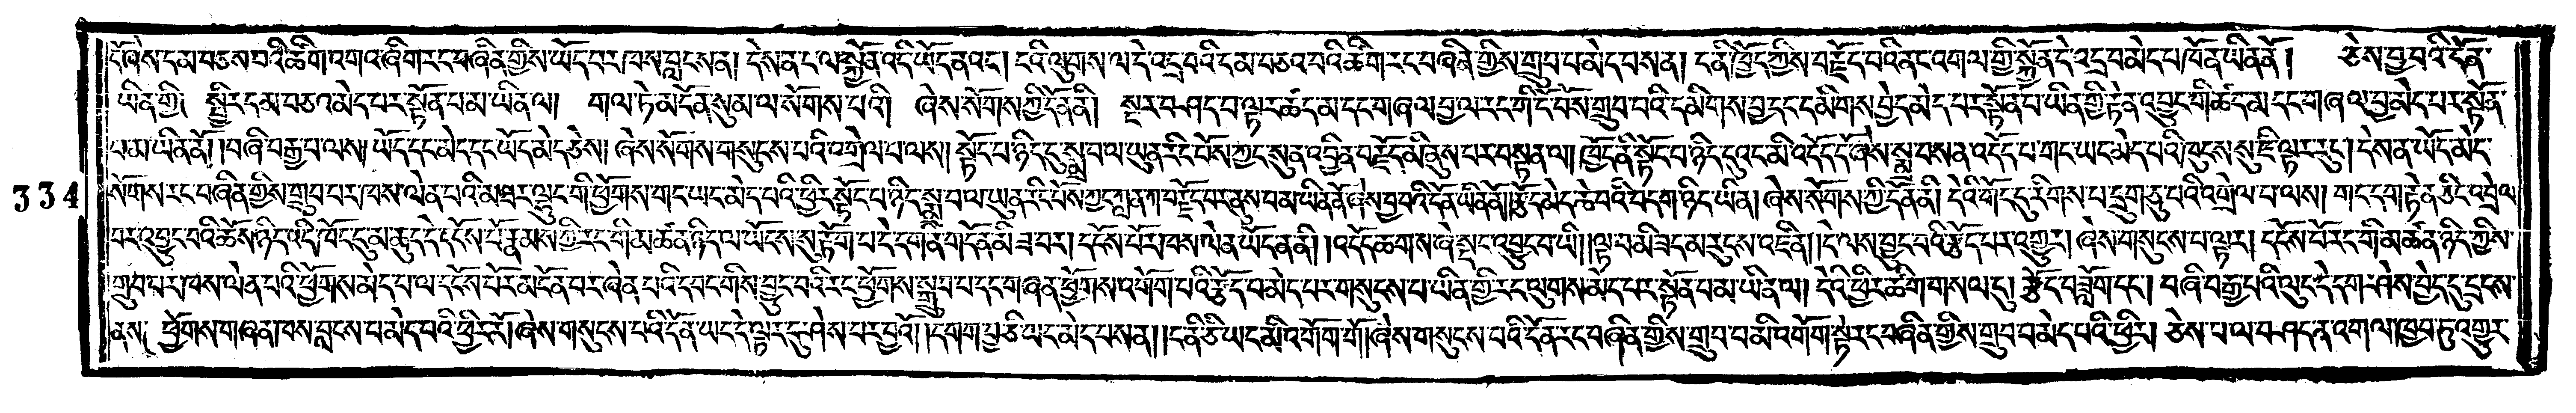དོ་ཞེས་དམ་བཅའ་པའི་ཚིག་འགའ་ཞིག་རང་བཞིན་གྱིས་ཡོད་བར་ཁས་བླངས་ན། དེས་ན་ང་ལ་སྐྱོན་འདི་ཡོད་ནའང་། ངའི་ལུགས་ལ་དེ་འདྲ་བའི་དམ་བཅའ་བའི་ཚིག་རང་བཞིན་གྱིས་གྲུབ་པ་མེད་བས་ན། ང་ནི་ཁྱོད་ཀྱིས་བརྗོད་པའི་ན་ང་འགལ་གྱི་སྐྱོན་དེ་འདྲ་བ་མེད་པ་ཁོ་ན་ཡིན་ནོ། ཅེས་བྱ་བའི་དོན་
ཡིན་གྱི། སྤྱིར་དམ་བཅའ་མེད་པར་སྟོན་པ་མ་ཡིན་ལ། གལ་ཏེ་མངོན་སུམ་ལ་སོགས་པའི། ཞེས་སོགས་ཀྱི་དོན་ནི། སྔར་བཤད་པ་ལྟར་ཚད་མ་དང་གཞལ་བྱ་ལ་རང་གི་ངོ་བོས་གྲུབ་པའི་དམིགས་བྱ་དང་དམིགས་བྱེད་མེད་པར་སྟོན་པ་ཡིན་གྱི་རྟེན་འབྱུང་གི་ཚད་མ་དང་གཞལ་བྱ་མེད་པར་སྟོན་
བ་མ་ཡིན་ནོ། །བཞི་བརྒྱ་པ་ལས། ཡོད་དང་མེད་དང་ཡོད་མེད་ཅེས། ཞེས་སོགས་གསུངས་པའི་འགྲེལ་པ་ལས། སྟོང་པ་ཉིད་དུ་སྨྲ་བ་ལ་ཡུན་རིང་པོས་ཀྱང་སུན་འབྱིན་བརྗོད་མི་ནུས་པར་བསྟན་ལ། ཁྱོད་ནི་སྟོང་པ་ཉིད་དུའང་མི་འདོད་དོ་ཞེས་སྨྲ་བས་ན་འདོད་པ་གང་ཡང་མེད་པའི་ཁུངས་སུ་ཇི་ལྟར་རུང་། དེས་ན་ཡོད་མེད་
སོགས་རང་བཞིན་གྱིས་གྲུབ་པར་ཁས་ལེན་པའི་མཐར་ལྷུང་གི་ཕྱོགས་གང་ཡང་མེད་པའི་ཕྱིར་སྟོང་པ་ཉིད་སྨྲ་བ་ལ་ཡུན་རིང་པོས་ཀྱང་ཀླན་ཀ་བརྗོད་པར་ནུས་པ་མ་ཡིན་ནོ་ཞེས་བྱ་བའི་དོན་ཡིན་ནོ། །རྩོད་མེད་ཆེ་བའི་བདག་ཉིད་ཡིན། ཞེས་སོགས་ཀྱི་དོན་ནི། དེའི་གོང་དུ་རིགས་པ་དྲུག་ཅུ་པའི་འགྲེལ་པ་ལས། གང་དག་རྟེན་ཅིང་འབྲེལ་
བར་འབྱུང་བའི་ཆོས་ཉིད་འདི་ཁོང་དུ་མ་ཆུད་དེ་དངོས་པོ་རྣམས་ཀྱི་རང་གི་མཚན་ཉིད་ལ་ཡོངས་སུ་རྟོག་པ་དེ་དག་ནི་གདོན་མི་ཟ་བར། དངོས་པོར་ཁས་ལེན་ཡོད་ན་ནི། །འདོད་ཆགས་ཞེ་སྡང་འབྱུང་བ་ཡི། །ལྟ་བ་མི་ཟད་མ་རུངས་འཛིན། །དེ་ལས་བྱུང་བའི་རྩོད་པར་འགྱུར། ཞེས་གསུངས་པ་ལྟར། དངོས་པོ་རང་གི་མཚན་ཉིད་ཀྱིས་
གྲུབ་པར་ཁས་ལེན་པའི་ཕྱོགས་མེད་པ་ལ་དངོས་པོར་མངོན་པར་ཞེན་པའི་དབང་གིས་བྱུང་བའི་རང་ཕྱོགས་སྒྲུབ་པ་དང་གཞན་ཕྱོགས་འགོག་པའི་རྩོད་བ་མེད་པར་གསུངས་པ་ཡིན་གྱི་རང་ལུགས་མེད་པར་སྟོན་པ་མ་ཡིན་ལ། དེའི་ཕྱིར་ཚིག་གསལ་དུ། རྩོད་བཟློག་དང་། བཞི་བརྒྱ་པའི་ལུང་དེ་དག་ཤེས་བྱེད་དུ་དྲངས་
ནས༑ ཕྱོགས་གཞན་ཁས་བླངས་པ་མེད་པའི་ཕྱིར་རོ། ཞེས་གསུངས་པའི་དོན་ཡང་དེ་ལྟར་དུ་ཤེས་པར་བྱའོ། །དགག་བྱ་ཅི་ཡང་མེད་པས་ན། །ད་ནི་ཅི་ཡང་མི་འགོག་གོ །ཞེས་གསུངས་པའི་དོན་རང་བཞིན་གྱིས་གྲུབ་པ་མི་འགོག་སྟེ་རང་བཞིན་གྱིས་གྲུབ་པ་མེད་པའི་ཕྱིར། ཅེས་པ་ལ་བཤད་ན་འགལ་ཁྱབ་ཏུ་འགྱུར་